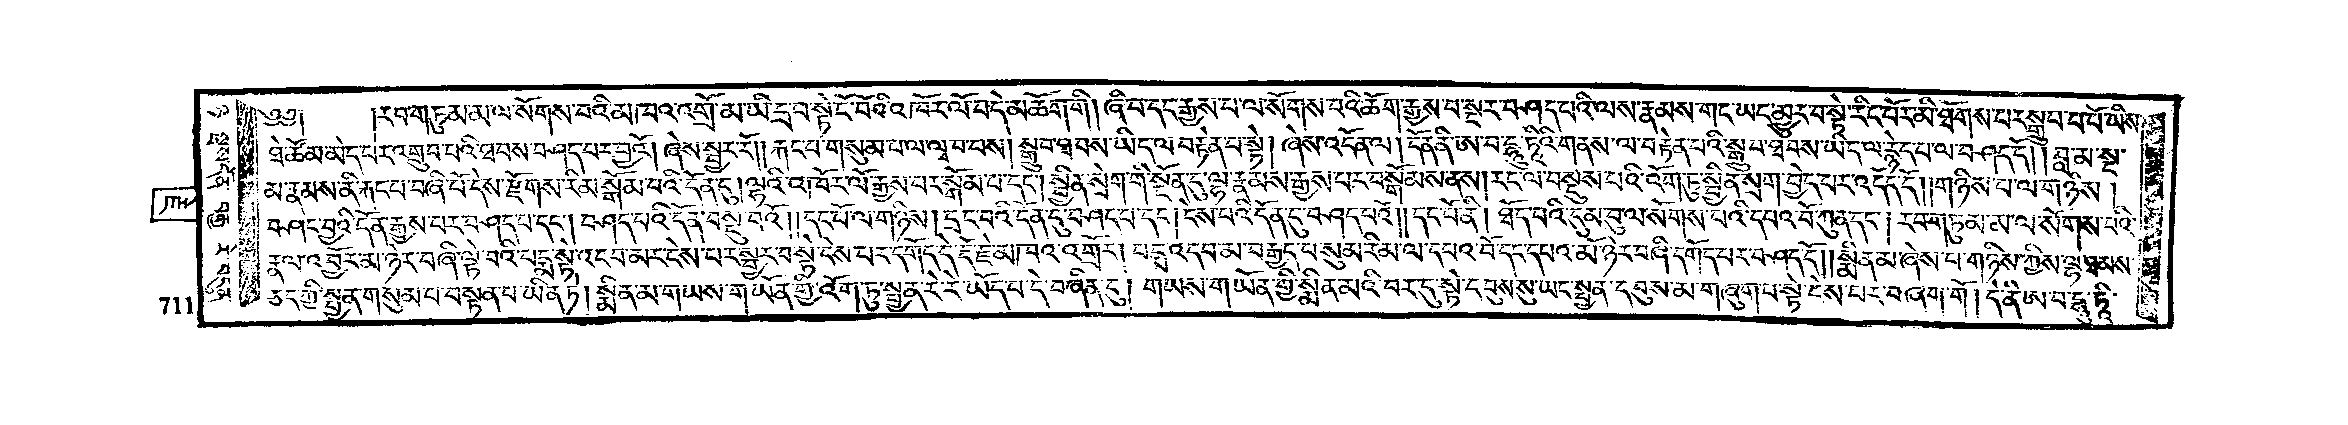༄༅། །རབ་གཏུམ་མ་ལ་སོགས་བའི་མཁའ་འགྲོ་མ་ཡི་དྲ་བ་སྟེ་ངོ་བོའི་འཁོར་ལོ་བདེ་མཆོག་གི། ཞི་བ་དང་རྒྱས་པ་ལ་སོགས་བའི་ཆོག་རྒྱས་པ་སྔར་བཤད་པའི་ལས་རྣམས་གང་ཡང་མྱུར་བ་སྟེ་རིང་པོར་མི་ཐོགས་པར་སྒྲུབ་པ་པོ་ཡིས་
ཐེ་ཚོམ་མེད་པར་འགྲུབ་པའི་ཐབས་བཤད་པར་བྱའོ། ཞེས་སྦྱར་རོ། །རྐང་པ་གསུམ་པ་ལ་ལྭ་བ་པས། སྒྲུབ་ཐབས་ཡིད་ལ་བརྟེན་པ་སྟེ། ཞེས་འདོན་ལ། དོན་ནི་ཨ་བ་དྷཱུ་ཏཱིའི་གནས་ལ་བརྟེན་པའི་སྒྲུབ་ཐབས་ཡིད་ལ་རྙེད་པ་ལ་བཤད་དོ། །བླ་མ་སྔ་
མ་རྣམས་ནི་རྐང་པ་བཞི་པོ་དེས་རྫོགས་རིམ་སྒོམ་པའི་དོན་དུ། ལྷའི་འཁོར་ལོ་རྒྱས་པར་སྒོམ་པ་དང་། སྦྱིན་སྲེག་གི་སྔོན་དུ་ལྷ་རྣམས་རྒྱས་པར་བསྒོམས་ནས། རང་ལ་བསྡུས་པའི་འོག་ཏུ་སྦྱིན་སྲེག་?་བྱེད་པར་འདོད་དོ། །གཉིས་པ་ལ་གཉིས།
བཤད་བྱའི་དོན་རྒྱས་པར་བཤད་པ་དང་། བཤད་པའི་དོན་བསྡུ་བའོ། །དང་པོ་ལ་གཉིས། དྲང་བའི་དོན་དུ་བཤད་པ་དང་། ངེས་པའི་དོན་དུ་བཤད་པའོ། །དང་པོ་ནི། ཐོད་པའི་དུམ་བུ་ལ་སོགས་པའི་དཔའ་བོ་ཀུན་དང་། རབ་གཏུམ་མ་ལ་སོགས་པའི་
རྣལ་འབྱོར་མ་ཉེར་བཞི་ལྟེ་བའི་པདམ་སྟེ་འདབ་མར་ངེས་པར་སྦྱར་བ་སྟེ་ངེས་པར་དགོད་དེ་རྡོ་རྗེ་མཁའ་འགྲོར། པདམ་འདབ་མ་བརྒྱད་པ་སུམ་རིམ་ལ་དཔའ་བོ་དང་དཔའ་མོ་ཉེར་བཞི་དགོད་པར་བཤད་དོ། །སྨིན་མ་ཞེས་པ་གཉིས་ཀྱིས་ལྷ་ཐམས་
ཅད་ཀྱི་སྤྱན་གསུམ་པ་བསྟན་པ་ཡིན་ཏེ། སྨིན་མ་གཡས་གཡོན་གྱི་འོག་ཏུ་སྤྱན་རེ་རེ་ཡོད་པ་དེ་བཞིན་དུ། གཡས་གཡོན་གྱི་སྨིན་མའི་བར་དུ་སྟེ་དབུས་སུ་ཡང་སྤྱན་དབུས་མ་གཞུག་པ་སྟེ་ངེས་པར་བཞག་གོ། དེ་ནི་ཨ་བ་དྷཱུ་ཏཱི་